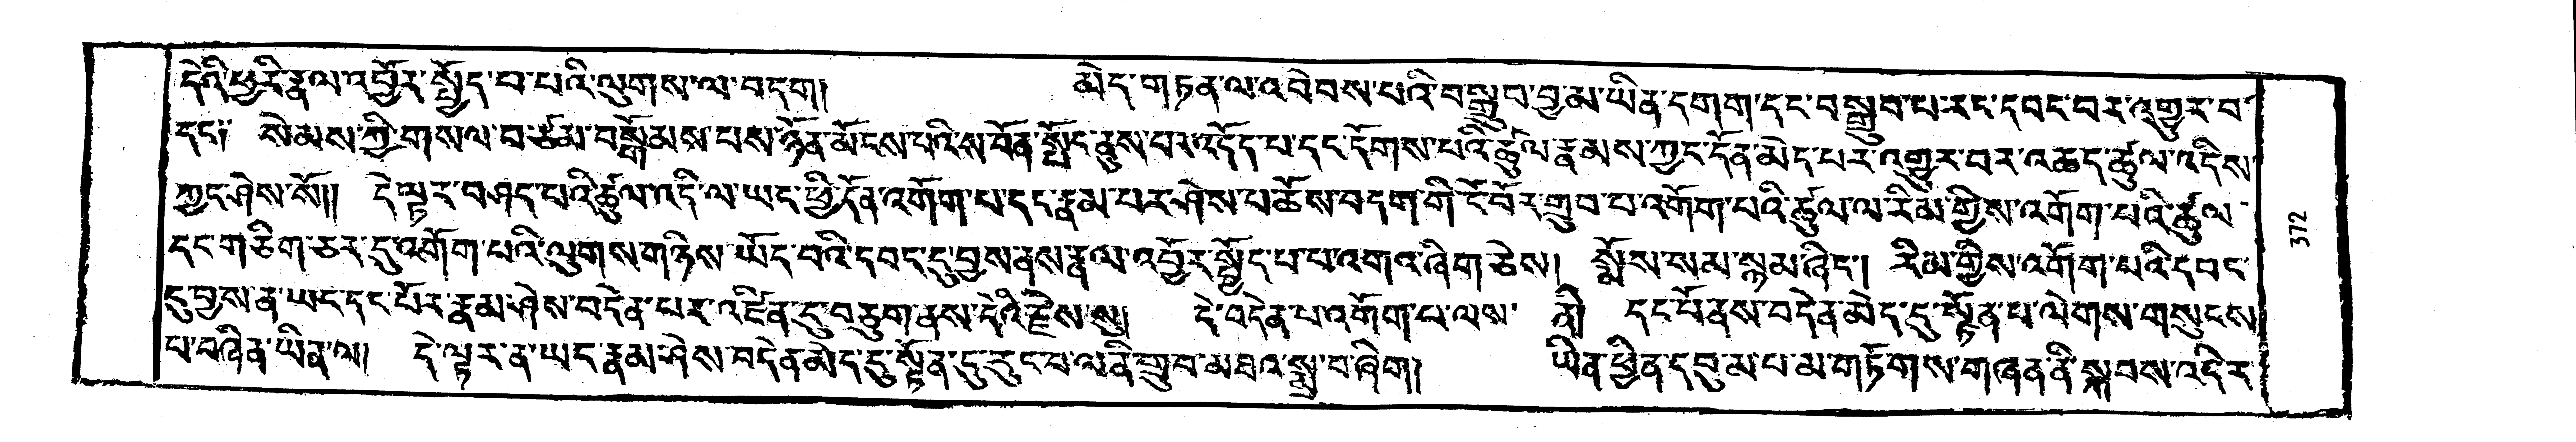དེའི་ཕྱིར་རྣལ་འབྱོར་སྤྱོད་བ་བའི་ལུགས་ལ་བདག །མེད་གཏན་ལ་འབེབས་པའི་བསྒྲུབ་བྱ་མ་ཡིན་དགག་དང་བསྒྲུབ་པ་རང་དབང་བར་འགྱུར་བ་
དང་། སེམས་ཀྱི་གསལ་བ་ཙམ་བསྒོམས་པས་ཉོན་མོངས་པའི་ས་བོན་སྤོང་ནུས་པར་འདོད་པ་དང་དོགས་པའི་ཚུལ་རྣམས་ཀྱང་དོན་མེད་པར་འགྱུར་བར་འཆད་ཚུལ་འདིས་
ཀྱང་ཤེས་སོ། །དེ་ལྟར་བཤད་པའི་ཚུལ་འདི་ལ་ཡང་ཕྱི་དོན་འགོག་པ་དང་རྣམ་པར་ཤེས་པ་ཆོས་བདག་གི་ངོ་བོར་གྲུབ་པ་འགོག་པའི་ཚུལ་ལ་རིམ་གྱིས་འགོག་པའི་ཚུལ་
དང་གཅིག་ཅར་དུ་འགོག་པའི་ལུགས་གཉིས་ཡོད་བའི་དབང་དུ་བྱས་ནས་རྣལ་འབྱོར་སྤྱོད་པ་པ་འགའ་ཞིག་ཅེས། སྨོས་སམ་སྙམ་ཞིང་། རིམ་གྱིས་འགོག་པའི་དབང་
དུ་བྱས་ན་ཡང་དང་པོར་རྣམ་ཤེས་བདེན་པར་འཛིན་དུ་བཅུག་ནས་དེའི་རྗེས་སུ། དེ་བདེན་པ་འགོག་པ་ལས་ནི། དང་པོ་ནས་བདེན་མེད་དུ་སྟོན་པ་ལེགས་གསུངས་
པ་བཞིན་ཡིན་ལ། དེ་ལྟར་ན་ཡང་རྣམ་ཤེས་བདེན་མེད་དུ་སྟོན་དུ་རུང་བ་ལ་ནི་གྲུབ་མཐའ་སྨྲ་བ་ཞིག །ཡིན་ཕྱིན་དབུ་མ་པ་མ་གཏོགས་གཞན་ནི་སྐབས་འདིར་